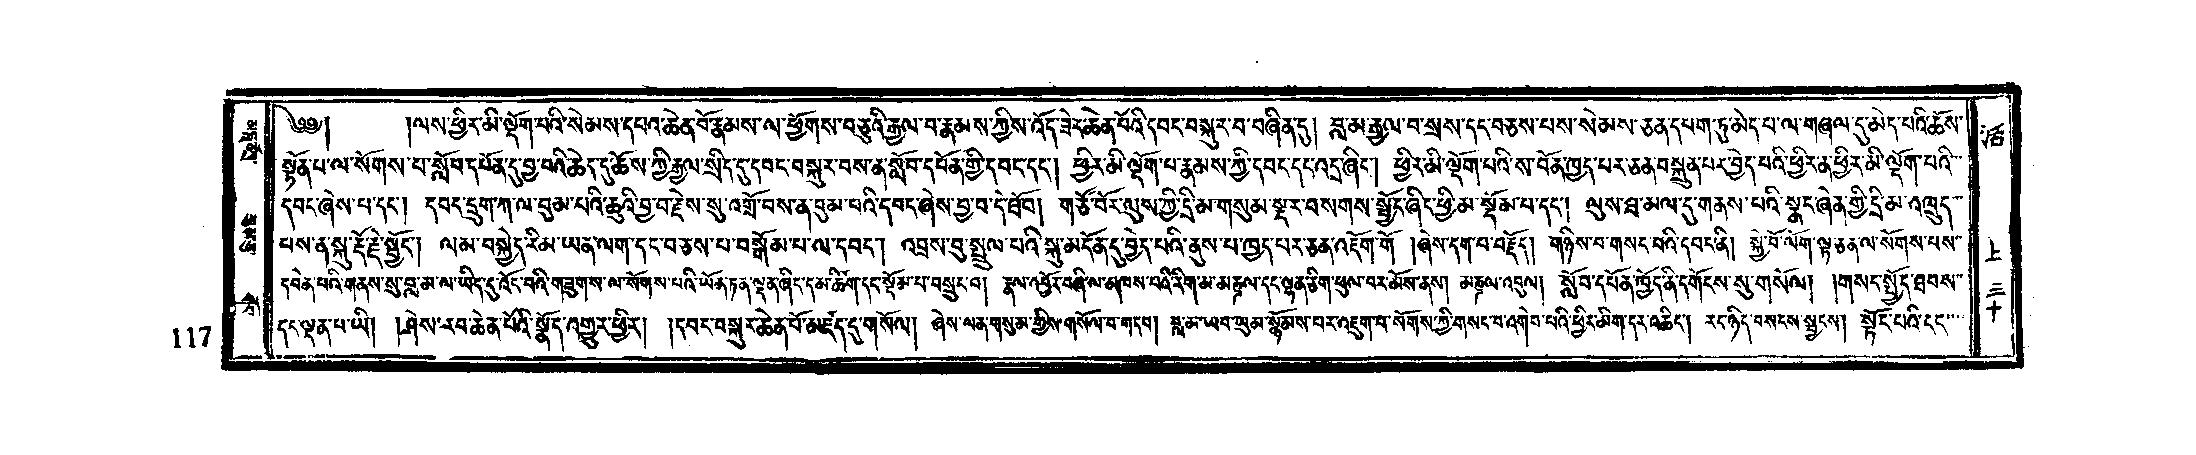༄༅། །ལས་ཕྱིར་མི་ལྡོག་པའི་སེམས་དཔའ་ཆེན་པོ་རྣམས་ལ་ཕྱོགས་བཅུའི་རྒྱལ་བ་རྣམས་ཀྱིས་འོད་ཟེར་ཆེན་པོའི་དབང་བསྐུར་བ་བཞིན་དུ། བླ་མ་རྒྱལ་བ་སྲས་དང་བཅས་པས་སེམས་ཅན་དཔག་ཏུ་མེད་པ་ལ་གཞལ་དུ་མེད་པའི་ཆོས་
སྟོན་པ་ལ་སོགས་པ་སློབ་དཔོན་དུ་བྱ་བའི་ཆེད་དུ་ཆོས་ཀྱི་རྒྱལ་སྲིད་དུ་དབང་བསྐུར་བས་ན་སློབ་དཔོན་གྱི་དབང་དང་། ཕྱིར་མི་ལྡོག་པ་རྣམས་ཀྱི་དབང་དང་འདྲ་ཞིང་། ཕྱིར་མི་ལྡོག་པའི་ས་བོན་ཁྱད་པར་ཅན་བསྐྲུན་པར་བྱེད་པའི་ཕྱིར་ན་ཕྱིར་མི་ལྡོག་པའི་
དབང་ཞེས་པ་དང་། དབང་དྲུག་ཀ་ལ་བུམ་པའི་ཆུའི་བྱ་བ་རྗེས་སུ་འགྲོ་བས་ན་བུམ་པའི་དབང་ཞེས་བྱ་བ་དེ་ཐོབ། གཙོ་བོར་ལུས་ཀྱི་དྲི་མ་གསུམ་སྔར་བསགས་སྦྱོང་ཞིང་ཕྱི་མ་སྡོམ་པ་དང་། ལུས་ཐ་མལ་དུ་གནས་པའི་སྣང་ཞེན་གྱི་དྲི་མ་འཁྲུད་
པས་ན་སྐུ་རྡོ་རྗེ་སྦྱོང་། ལམ་བསྐྱེད་རིམ་ཡན་ལག་དང་བཅས་པ་བསྒོམ་པ་ལ་དབང་། འབྲས་བུ་སྤྲུལ་པའི་སྐུ་མངོན་དུ་བྱེད་པའི་ནུས་པ་ཁྱད་པར་ཅན་འཇོག་གོ །ཞེས་དག་པ་བརྗོད། གཉིས་པ་གསང་བའི་དབང་ནི། སྐྱེ་བོ་ལོག་ལྟ་ཅན་ལ་སོགས་པས་
དབེན་པའི་གནས་སུ་བླ་མ་ལ་ཡིད་དུ་འོང་བའི་གཟུགས་ལ་སོགས་པའི་ཡོན་ཏན་ལྡན་ཞིང་དམ་ཚིག་དང་སྡོམ་པ་བསྲུང་བ། རྣལ་འབྱོར་བཞི་ལ་མཁས་པའི་རིག་མ་མཎྜལ་དང་ལྷན་ཅིག་ཕུལ་བར་མོས་ནས། མཎྜལ་འབུལ། སློབ་དཔོན་ཁྱོད་ནི་དགོངས་སུ་གསོལ། །གསང་སྤྱོད་ཐབས་
དང་ལྡན་པ་ཡི། །ཤེས་རབ་ཆེན་པོའི་སྣོད་འགྱུར་ཕྱིར། །དབང་བསྐུར་ཆེན་པོ་མཛད་དུ་གསོལ། ཞེས་ལན་གསུམ་གྱིས་གསོལ་བ་གདབ། བླ་མ་ཡབ་ཡུམ་སྙོམས་པར་འཇུག་པ་སོགས་ཀྱི་གསང་བ་འགེབ་པའི་ཕྱིར་མིག་དར་འཆིང་། རང་ཉིད་བསངས་སྦྱངས། སྟོང་པའི་ངང་